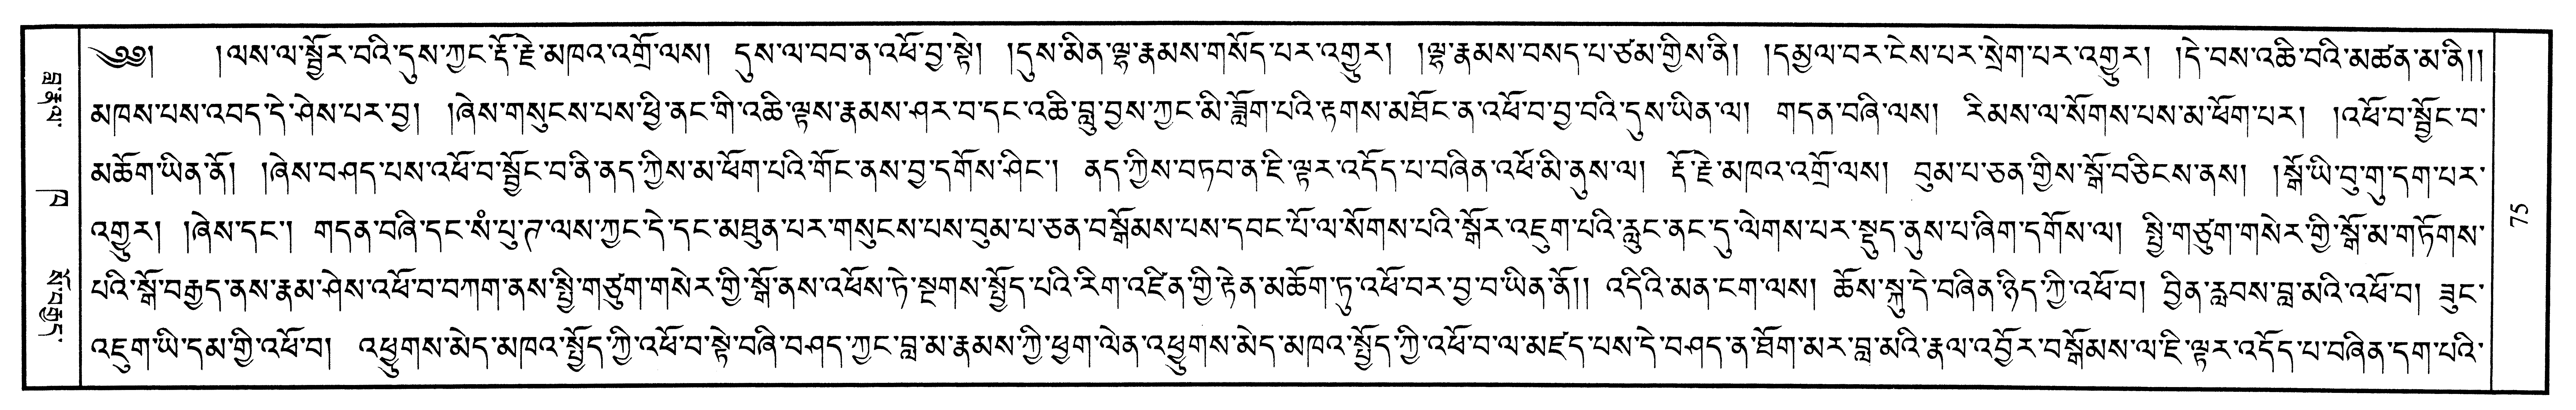༄༅། །ལས་ལ་སྦྱོར་བའི་དུས་ཀྱང་རྡོ་རྗེ་མཁའ་འགྲོ་ལས། དུས་ལ་བབ་ན་འཕོ་བྱ་སྟེ། །དུས་མིན་ལྷ་རྣམས་གསོད་པར་འགྱུར། །ལྷ་རྣམས་བསད་པ་ཙམ་གྱིས་ནི། །དམྱལ་བར་ངེས་པར་སྲེག་པར་འགྱུར། །དེ་བས་འཆི་བའི་མཚན་མ་ནི།།
མཁས་པས་འབད་དེ་ཤེས་པར་བྱ། །ཞེས་གསུངས་པས་ཕྱི་ནང་གི་འཆི་ལྟས་རྣམས་ཤར་བ་དང་འཆི་བླུ་བྱས་ཀྱང་མི་ཟློག་པའི་རྟགས་མཐོང་ན་འཕོ་བ་བྱ་བའི་དུས་ཡིན་ལ། གདན་བཞི་ལས། རིམས་ལ་སོགས་པས་མ་ཕོག་པར། །འཕོ་བ་སྦྱོང་བ་
མཆོག་ཡིན་ནོ། །ཞེས་བཤད་པས་འཕོ་བ་སྦྱོང་བ་ནི་ནད་ཀྱིས་མ་ཕོག་པའི་གོང་ནས་བྱ་དགོས་ཤིང་། ནད་ཀྱིས་བཏབ་ན་ཇི་ལྟར་འདོད་པ་བཞིན་འཕོ་མི་ནུས་ལ། རྡོ་རྗེ་མཁའ་འགྲོ་ལས། བུམ་པ་ཅན་གྱིས་སྒོ་བཅིངས་ནས། །སྒོ་ཡི་བུ་གུ་དག་པར་
འགྱུར། །ཞེས་དང་། གདན་བཞི་དང་སཾ་པུ་ཊ་ལས་ཀྱང་དེ་དང་མཐུན་པར་གསུངས་པས་བུམ་པ་ཅན་བསྒོམས་པས་དབང་པོ་ལ་སོགས་པའི་སྒོར་འཇུག་པའི་རླུང་ནང་དུ་ལེགས་པར་སྡུད་ནུས་པ་ཞིག་དགོས་ལ། སྤྱི་གཙུག་གསེར་གྱི་སྒོ་མ་གཏོགས་
པའི་སྒོ་བརྒྱད་ནས་རྣམ་ཤེས་འཕོ་བ་བཀག་ནས་སྤྱི་གཙུག་གསེར་གྱི་སྒོ་ནས་འཕོས་ཏེ་སྔགས་སྤྱོད་པའི་རིག་འཛིན་གྱི་རྟེན་མཆོག་ཏུ་འཕོ་བར་བྱ་བ་ཡིན་ནོ།། འདིའི་མན་ངག་ལས། ཆོས་སྐུ་དེ་བཞིན་ཉིད་ཀྱི་འཕོ་བ། བྱིན་རླབས་བླ་མའི་འཕོ་བ། ཟུང་
འཇུག་ཡི་དམ་གྱི་འཕོ་བ། འཕྱུགས་མེད་མཁའ་སྤྱོད་ཀྱི་འཕོ་བ་སྟེ་བཞི་བཤད་ཀྱང་བླ་མ་རྣམས་ཀྱི་ཕྱག་ལེན་འཕྱུགས་མེད་མཁའ་སྤྱོད་ཀྱི་འཕོ་བ་ལ་མཛད་པས་དེ་བཤད་ན་ཐོག་མར་བླ་མའི་རྣལ་འབྱོར་བསྒོམས་ལ་ཇི་ལྟར་འདོད་པ་བཞིན་དག་པའི་